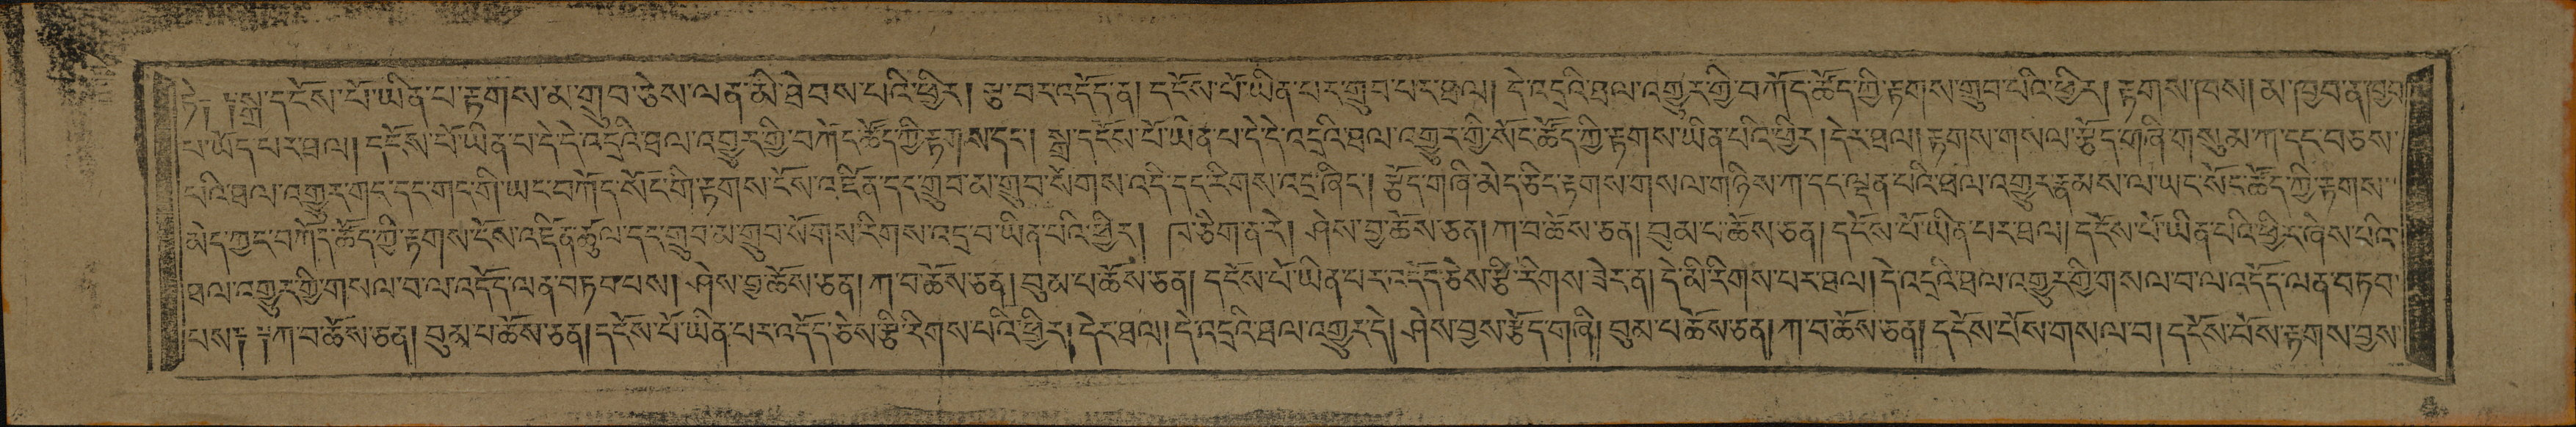ཏེ༑ ༑སྒྲ་དངོས་པོ་ཡིན་པ་རྟགས་མ་གྲུབ་ཅེས་ལན་མི་ཐེབས་པའི་ཕྱིར། རྩ་བར་འདོད་ན། དངོས་པོ་ཡིན་པར་གྲུབ་པར་ཐལ། དེ་འདྲའི་ཐལ་འགྱུར་གྱི་བཀོད་ཚོད་ཀྱི་རྟགས་གྲུབ་པའི་ཕྱིར། རྟགས་ཁས། མ་ཁྱབ་ན་ཁྱབ་
པ་ཡོད་པར་ཐལ། དངོས་པོ་ཡིན་པ་དེ་དེ་འདྲའི་ཐལ་འགྱུར་གྱི་བཀོད་ཚོད་ཀྱི་རྟགས་དང་། སྒྲ་དངོས་པོ་ཡིན་པ་དེ་དེ་འདྲའི་ཐལ་འགྱུར་གྱི་སོང་ཚོད་ཀྱི་རྟགས་ཡིན་པའི་ཕྱིར། དེར་ཐལ། རྟགས་གསལ་རྩོད་གཞི་གསུམ་ཀ་དང་བཅས་
པའི་ཐལ་འགྱུར་གང་དང་གང་གི་ཡང་བཀོད་སོང་གི་རྟགས་ངོས་འཛིན་དང་གྲུབ་མ་གྲུབ་སོགས་འདི་དང་རིགས་འདྲ་ཞིང་།རྩོད་གཞི་མེད་ཅིང་རྟགས་གསལ་གཉིས་ཀ་དང་ལྡན་པའི་ཐལ་འགྱུར་རྣམས་ལ་ཡང་སོང་ཚོད་ཀྱི་རྟགས་
མེད་ཀྱང་བཀོད་ཚོད་ཀྱི་རྟགས་ངོས་འཛིན་ཚུལ་དང་གྲུབ་མ་གྲུབ་སོགས་རིགས་འདྲ་བ་ཡིན་པའི་ཕྱིར། ཁ་ཅིག་ན་རེ། ཤེས་བྱ་ཆོས་ཅན། ཀ་བ་ཆོས་ཅན། བུམ་པ་ཆོས་ཅན། དངོས་པོ་ཡིན་པར་ཐལ། དངོས་པོ་ཡིན་པའི་ཕྱིར་ཞེས་པའི་
ཐལ་འགྱུར་གྱི་གསལ་བ་ལ་འདོད་ལན་བཏབ་པས། ཤེས་བྱ་ཆོས་ཅན། ཀ་བ་ཆོས་ཅན། བུམ་པ་ཆོས་ཅན། དངོས་པོ་ཡིན་པར་འདོད་ཅེས་རྩི་རིགས་ཟེར་ན། དེ་མི་རིགས་པར་ཐལ། དེ་འདྲའི་ཐལ་འགྱུར་གྱི་གསལ་བ་ལ་འདོད་ལན་བཏབ་
པས༑ ༑ཀ་བ་ཆོས་ཅན། བུམ་པ་ཆོས་ཅན། དངོས་པོ་ཡིན་པར་འདོད་ཅེས་རྩི་རིགས་པའི་ཕྱིར། དེར་ཐལ། དེ་འདྲའི་ཐལ་འགྱུར་དེ། ཤེས་བྱས་རྩོད་གཞི། བུམ་པ་ཆོས་ཅན། ཀ་བ་ཆོས་ཅན། དངོས་པོས་གསལ་བ། དངོས་པོས་རྟགས་བྱས་